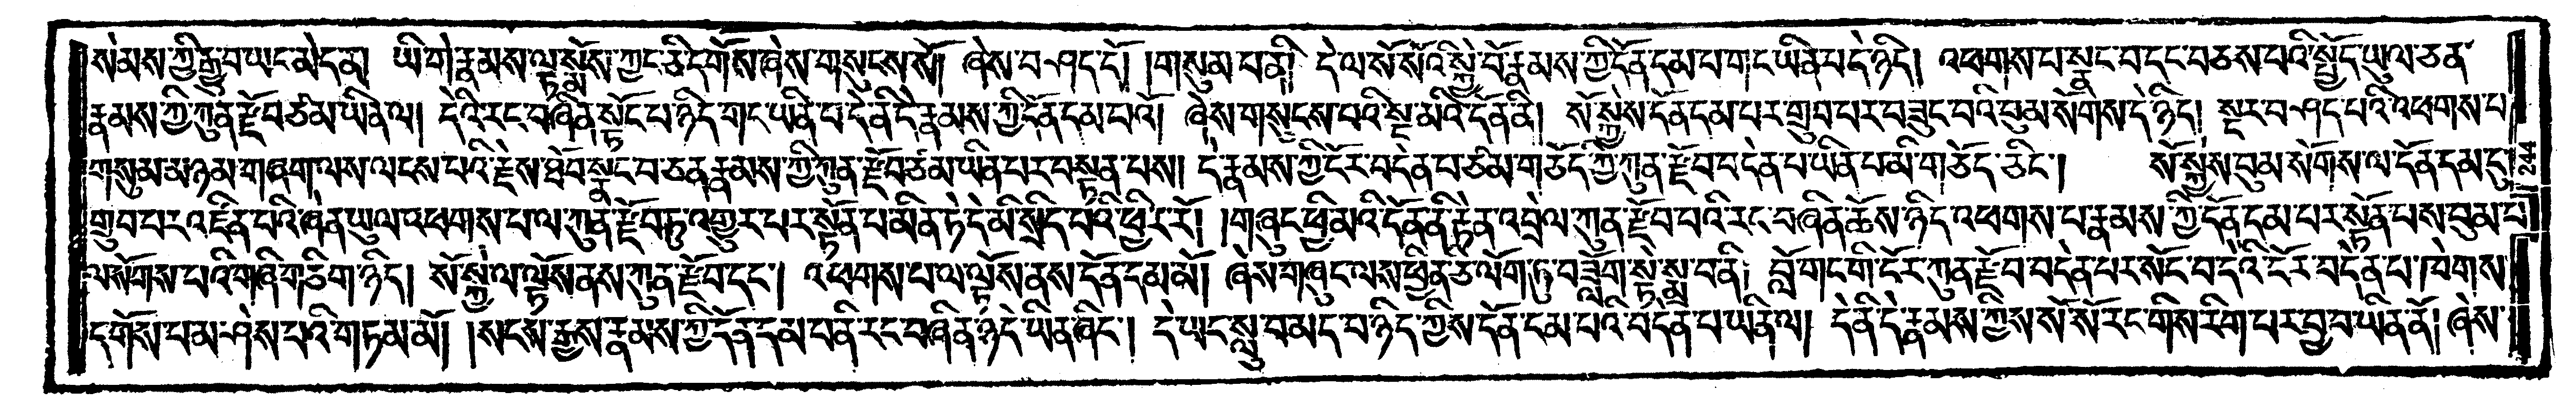སེམས་ཀྱི་རྒྱུ་བ་ཡང་མེད་ན། ཡི་གེ་རྣམས་ལྟ་སྨོས་ཀྱང་ཅི་དགོས་ཞེས་གསུངས་སོ། ཞེས་བཤད་དོ། །གསུམ་པ་ནི། དེ་ལ་སོ་སོའི་སྐྱེ་བོ་རྣམས་ཀྱི་དོན་དམ་པ་གང་ཡིན་པ་དེ་ཉིད། འཕགས་པ་སྣང་བ་དང་བཅས་པའི་སྤྱོད་ཡུལ་ཅན་
རྣམས་ཀྱི་ཀུན་རྫོབ་ཙམ་ཡིན་ལ། དེའི་རང་བཞིན་སྟོང་པ་ཉིད་གང་ཡིན་པ་དེ་ནི་དེ་རྣམས་ཀྱི་དོན་དམ་པའོ། ཞེས་གསུངས་པའི་སྔ་མའི་དོན་ནི། སོ་སྐྱེས་དོན་དམ་པར་གྲུབ་པར་བཟུང་བའི་བུམ་སོགས་དེ་ཉིད། སྔར་བཤད་པའི་འཕགས་པ་
གསུམ་མཉམ་གཞག་ལས་ལངས་པའི་རྗེས་ཐོབ་སྣང་བ་ཅན་རྣམས་ཀྱི་ཀུན་རྫོབ་ཙམ་ཡིན་པར་བསྟན་པས། དེ་རྣམས་ཀྱི་ངོར་བདེན་པ་ཙམ་གཅོད་ཀྱི་ཀུན་རྫོབ་བདེན་པ་ཡིན་པ་མི་གཅོད་ཅིང་། སོ་སྐྱེས་བུམ་སོགས་ལ་དོན་དམ་དུ་
གྲུབ་པར་འཛིན་པའི་ཞེན་ཡུལ་འཕགས་པ་ལ་ཀུན་རྫོབ་ཏུ་འགྱུར་བར་སྟོན་པ་མིན་ཏེ་དེ་མི་སྲིད་པའི་ཕྱིར་རོ། །གཞུང་ཕྱི་མའི་དོན་ནི་རྟེན་འབྲེལ་ཀུན་རྫོབ་པའི་རང་བཞིན་ཆོས་ཉིད་འཕགས་པ་རྣམས་ཀྱི་དོན་དམ་པར་སྟོན་པས་བུམ་པ་
ལ་སོགས་པའི་གཞི་གཅིག་ཉིད། སོ་སྐྱེ་ལ་ལྟོས་ནས་ཀུན་རྫོབ་དང་། འཕགས་པ་ལ་ལྟོས་ནས་དོན་དམ་མོ། ཞེས་གཞུང་ལས་ཕྱིན་ཅི་ལོག་ཏུ་བཟློག་སྟེ་སྨྲ་བ་ནི། བློ་གང་གི་ངོར་ཀུན་རྫོབ་བདེན་པར་སོང་བ་དེའི་ངོར་བདེན་པ་ཁེགས་
དགོས་པ་མ་ཤེས་པའི་གཏམ་མོ། །སངས་རྒྱས་རྣམས་ཀྱི་དོན་དམ་པ་ནི་རང་བཞིན་ཉིད་ཡིན་ཞིང་། དེ་ཡང་སླུ་བ་མེད་པ་ཉིད་ཀྱིས་དོན་དམ་པའི་བདེན་པ་ཡིན་ལ། དེ་ནི་དེ་རྣམས་ཀྱིས་སོ་སོ་རང་གིས་རིག་པར་བྱ་བ་ཡིན་ནོ། ཞེས་